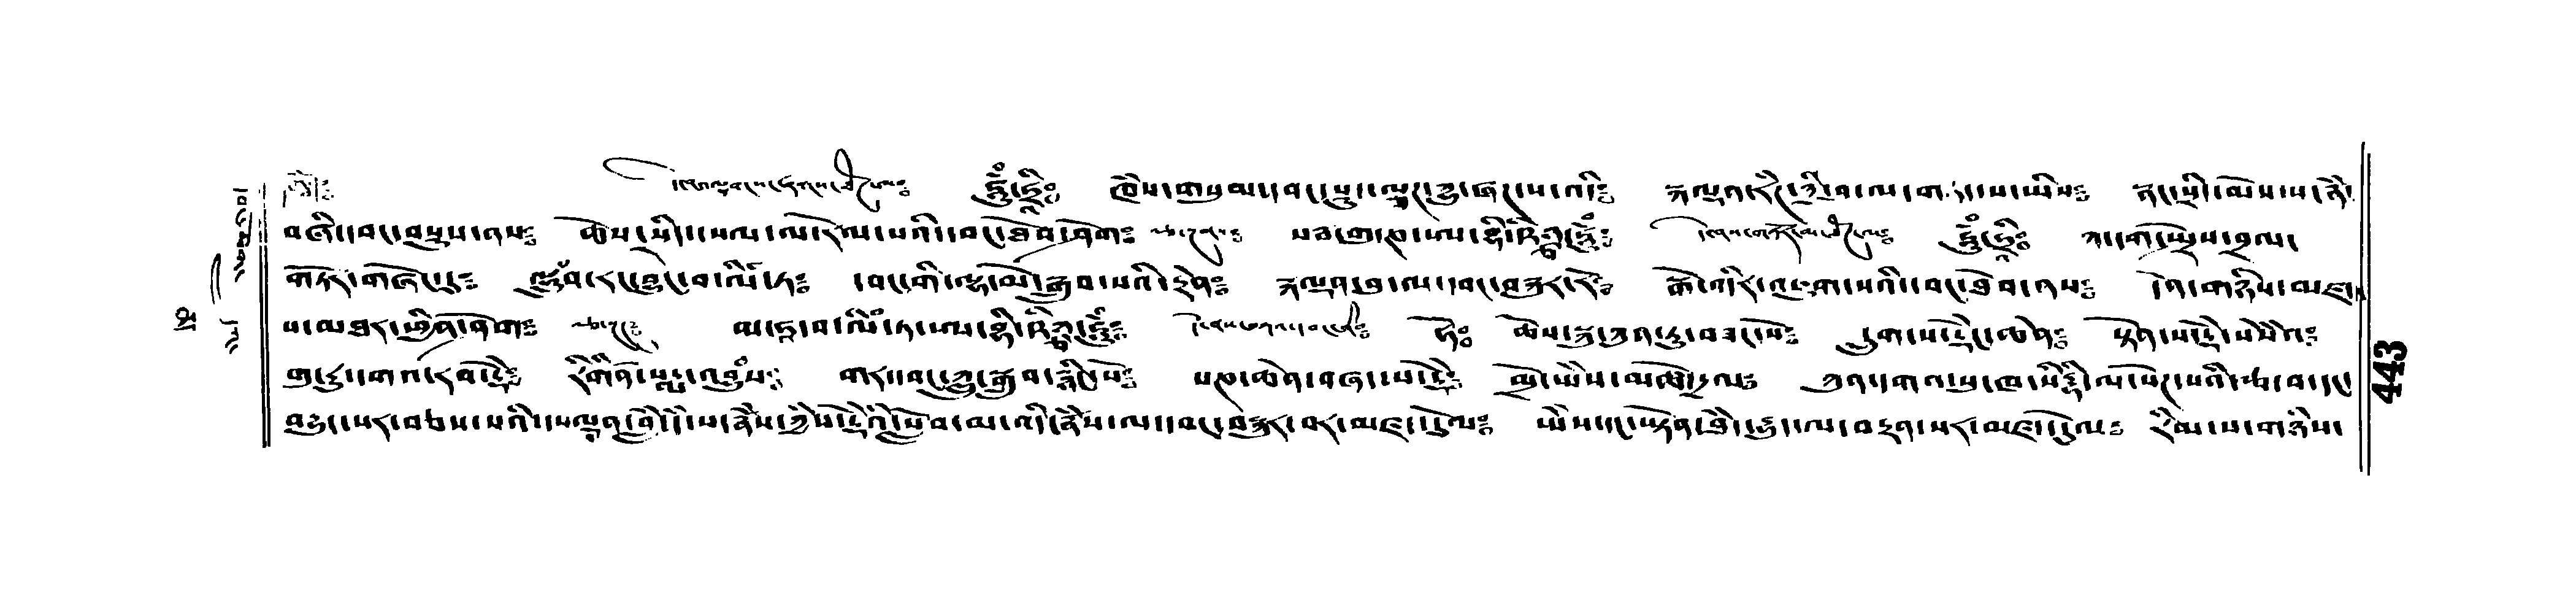དེ་ནས་ལྕགས་ཞགས་ཐོགས་ལ༔ ཧཱུྃ་ཧྲཱིཿ ཁམས་གསུམ་དབང་བསྡུད་ལྕགས་ཀྱུ་ཞགས་པ་འདི༔ སྐལ་ལྡན་རིགས་ཀྱི་བུ་ལ་གཏད་པ་ཡིས༔ སྣང་སྲིད་མོས་པ་རྣམ་
བཞི་དབང་བསྡུས་ནས༔ ཆོས་སྲིད་དཔལ་ལ་རོལ་པའི་དབང་ཐོབ་ཤོག༔ རྩ་སྔགས༔ སརྦ་གུ་ཎ་ཨ་བྷི་རིཉྩ་ཧཱུྃ༔ དེ་ནས་གཏོར་མ་ཐོགས་ལ༔ ཧཱུྃ་ཧྲཱི༔ ཀ་དག་སྤྲོས་བྲལ་
གཏོར་གཞོང་དུ༔ ལྷུན་གྲུབ་རང་བྱུང་བ་ལིཾ་ཏ༔ དབང་གི་ལྷ་མོ་སྒྲུབ་པའི་རྟེན༔ སྐལ་ལྡན་བུ་ལ་དབང་བསྐུར་རོ༔ སྒོ་འདིར་འཇུག་པའི་དབང་ཐོབ་ནས༔ དོན་གཉིས་མཛད་
པ་མཐར་ཕྱིན་ཤོག༔ རྩ་སྔགས༔ མ་ཧཱ་བ་ལིཾ་ཏ་ཨ་བྷི་རིཉྩ་ཧཱུྃ༔ དེ་ནས་བཀའ་དབང་ནི༔ ཧོཿ ཆོས་སྐུ་ཀུན་ཏུ་བཟང་པོ༔ དྲུག་པ་རྡོ་རྗེ་འཆང་ཆེན༔ སྟོན་པ་རྡོ་རྗེ་སེམས་དཔའ༔ 
གུ་རུ་དགའ་རབ་རྡོ་རྗེ༔ རིག་འཛིན་པདྨ་འབྱུང་གནས༔ གར་དབང་ཀླུ་སྒྲུབ་སྙིང་པོ༔ པཎ་ཆེན་བཞད་པ་རྡོ་རྗེ༔ མཁའ་འགྲོ་ཡེ་ཤེས་མཚོ་རྒྱལ༔ ཀུན་དགའ་སུ་ཁ་སིདྡྷི་ལ་སོགས་པའི་རྩ་བ་དང་
བརྒྱུད་པར་བཅས་པའི་དཔལ་ལྡན་བླ་མ་དམ་པ་རྣམས་ཀྱི་རྡོ་རྗེའི་སློབ་མ་འདི་རྣམས་ལ་དབང་བསྐུར་བར་མཛད་དུ་གསོལ༔ཡེ་ཤེས་དང་ཡོན་ཏན་ཐམས་ཅད་རྒྱུད་ལ་བརྟན་པར་མཛད་དུ་གསོལ༔ རིམ་པ་གཉིས་